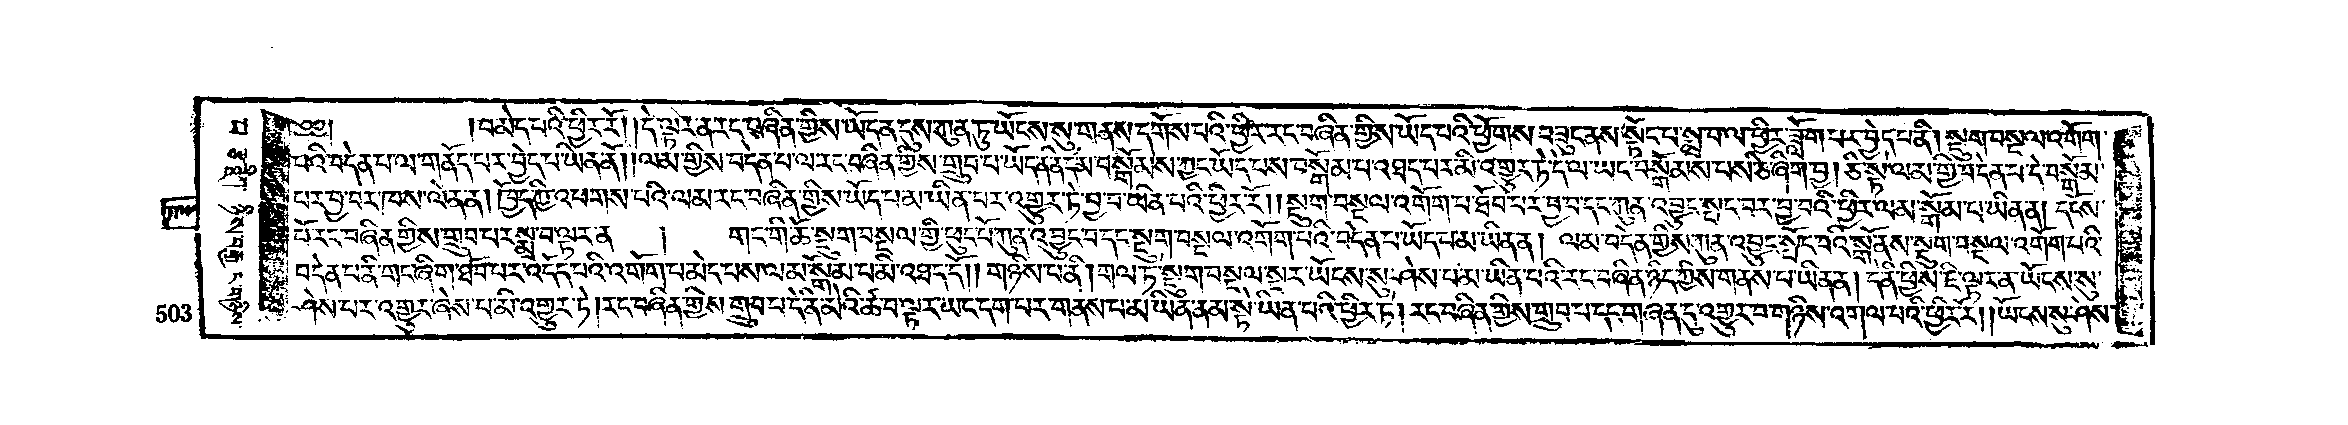༄༅། །པ་མེད་པའི་ཕྱིར་རོ། །དེ་ལྟར་ན་རང་བཞིན་གྱིས་ཡོད་ན་དུས་ཀུན་ཏུ་ཡོངས་སུ་གནས་དགོས་པའི་ཕྱིར་རང་བཞིན་གྱིས་ཡོད་པའི་ཕྱོགས་བཟུང་ནས་སྟོང་པ་སྨྲ་བ་ལ་ཕྱིར་ཟློག་པར་བྱེད་པ་ནི། སྡུག་བསྔལ་འགོག་
པའི་བདེན་པ་ལ་གནོད་པར་བྱེད་པ་ཡིན་ནོ། །ལམ་གྱིས་བདེན་པ་ལ་རང་བཞིན་གྱིས་གྲུབ་པ་ཡོད་ན་ནི་དམ་བསྒོམས་ཀྱང་ཡོད་པས་བསྒོམ་པ་འཐད་པར་མི་འགྱུར་ཏེ་དེ་ལ་ཡང་བསྒོམས་པས་ཅི་ཞིག་བྱ། ཅི་སྟེ་ལམ་གྱི་བདེན་པ་དེ་བསྒོམ་
པར་བྱ་བར་ཁས་ལེན་ན། ཁྱོད་ཀྱི་འཕགས་པའི་ལམ་རང་བཞིན་གྱིས་ཡོད་པ་མ་ཡིན་པར་འགྱུར་ཏེ་བྱ་བ་ཡིན་པའི་ཕྱིར་རོ། །སྡུག་བསྔལ་འགོག་པ་ཐོབ་པར་བྱ་བ་དང་ཀུན་འབྱུང་སྤང་བར་བྱ་བའི་ཕྱིར་ལམ་སྒོམ་པ་ཡིན་ན། དངོས་
པོ་རང་བཞིན་གྱིས་གྲུབ་པར་སྨྲ་བ་ལྟར་ན། གང་གི་ཚེ་སྡུག་བསྔལ་གྱི་ཕུང་པོ་ཀུན་འབྱུང་བ་དང་སྡུག་བསྔལ་འགོག་པའི་བདེན་པ་ཡོད་པ་མ་ཡིན་ན། ལམ་བདེན་གྱིས་ཀུན་འབྱུང་སྤོང་བའི་སྒོ་ནས་སྡུག་བསྔལ་འགོག་པའི་
བདེན་པ་ནི་གང་ཞིག་ཐོབ་པར་འདོད་པའི་འགོག་པ་མེད་པས་ལམ་སྒོམ་པ་མི་འཐད་དོ། །གཉིས་པ་ནི། གལ་ཏེ་སྡུག་བསྔལ་སྔར་ཡོངས་སུ་ཤེས་པ་མ་ཡིན་པའི་རང་བཞིན་ཉིད་ཀྱིས་གནས་པ་ཡིན་ན། དེ་ནི་ཕྱིས་ཇི་ལྟར་ན་ཡོངས་སུ་
ཤེས་པར་འགྱུར་ཞེས་པ་མི་འགྱུར་ཏེ། རང་བཞིན་གྱིས་གྲུབ་པ་དེ་ནི་མའི་ཚ་བ་ལྟར་ཡང་དག་པར་གནས་པ་མ་ཡིན་ནམ་སྟེ་ཡིན་པའི་ཕྱིར་ཏེ། རང་བཞིན་གྱིས་གྲུབ་པ་དང་གཞན་དུ་འགྱུར་བ་གཉིས་འགལ་བའི་ཕྱིར་རོ། །ཡོངས་སུ་ཤེས་